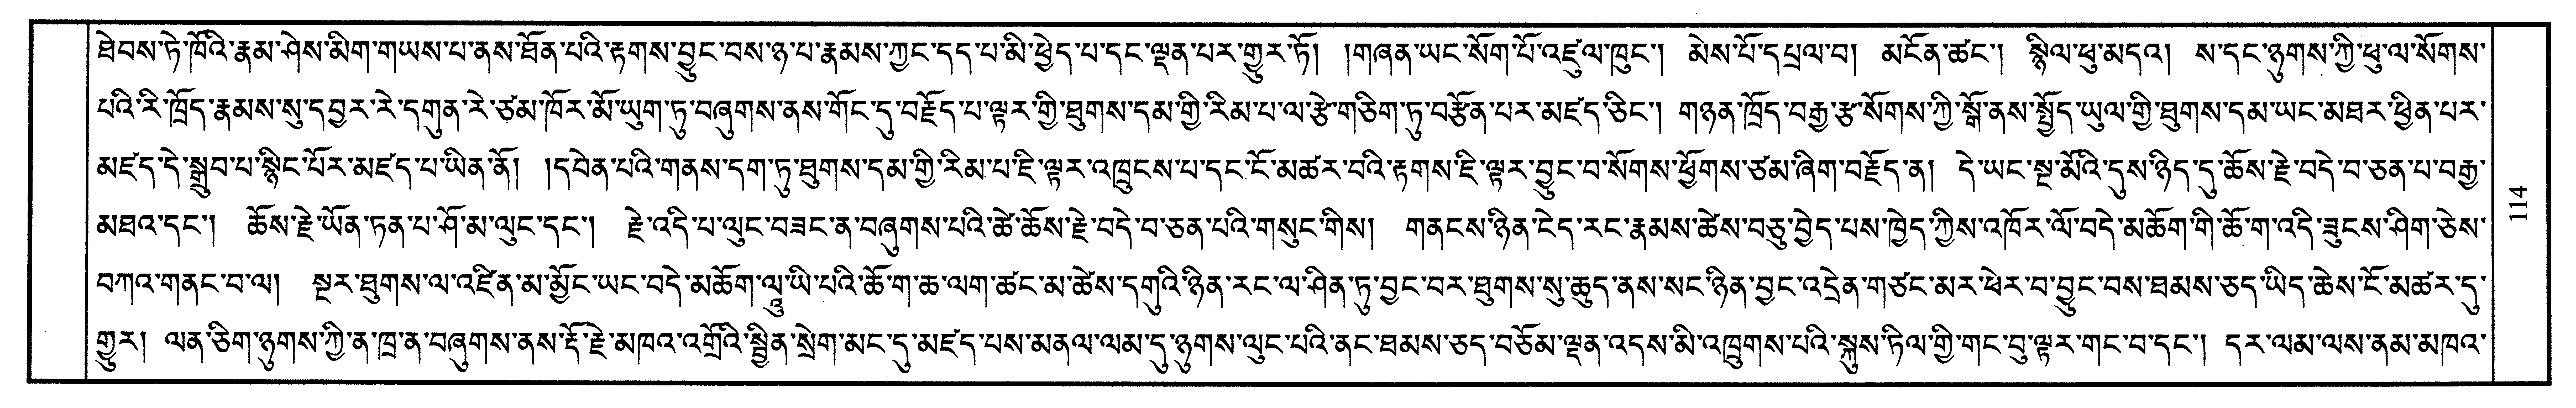ཐེབས་ཏེ་ཁོའི་རྣམ་ཤེས་མིག་གཡས་པ་ནས་ཐོན་པའི་རྟགས་བྱུང་བས་ཉ་པ་རྣམས་ཀྱང་དད་པ་མི་ཕྱེད་པ་དང་ལྡན་པར་གྱུར་ཏོ། །གཞན་ཡང་སོག་པོ་འཛུལ་ཁུང་། མེས་པོ་དཔྲལ་བ། མངོན་ཚང་། སྙིལ་ཕུ་མདའ། ས་དང་ཉུགས་ཀྱི་ཕུ་ལ་སོགས་
པའི་རི་ཁྲོད་རྣམས་སུ་དབྱར་རེ་དགུན་རེ་ཙམ་ཁོར་མོ་ཡུག་ཏུ་བཞུགས་ནས་གོང་དུ་བརྗོད་པ་ལྟར་གྱི་ཐུགས་དམ་གྱི་རིམ་པ་ལ་རྩེ་གཅིག་ཏུ་བརྩོན་པར་མཛད་ཅིང་། གཉན་ཁྲོད་བརྒྱ་རྩ་སོགས་ཀྱི་སྒོ་ནས་སྤྱོད་ཡུལ་གྱི་ཐུགས་དམ་ཡང་མཐར་ཕྱིན་པར་
མཛད་དེ་སྒྲུབ་པ་སྙིང་པོར་མཛད་པ་ཡིན་ནོ། །དབེན་པའི་གནས་དག་ཏུ་ཐུགས་དམ་གྱི་རིམ་པ་ཇི་ལྟར་འཁྲུངས་པ་དང་ངོ་མཚར་བའི་རྟགས་ཇི་ལྟར་བྱུང་བ་སོགས་ཕྱོགས་ཙམ་ཞིག་བརྗོད་ན། དེ་ཡང་སྔ་མོའི་དུས་ཉིད་དུ་ཆོས་རྗེ་བདེ་བ་ཅན་པ་བརྒྱ་
མཐའ་དང་། ཆོས་རྗེ་ཡོན་ཏན་པ་ཤོ་མ་ལུང་དང་། རྗེ་འདི་པ་ལུང་བཟང་ན་བཞུགས་པའི་ཚེ་ཆོས་རྗེ་བདེ་བ་ཅན་པའི་གསུང་གིས། གནངས་ཉིན་ངེད་རང་རྣམས་ཚེས་བཅུ་བྱེད་པས་ཁྱེད་ཀྱིས་འཁོར་ལོ་བདེ་མཆོག་གི་ཆོ་ག་འདི་ཟུངས་ཤིག་ཅེས་
བཀའ་གནང་བ་ལ། སྔར་ཐུགས་ལ་འཛིན་མ་མྱོང་ཡང་བདེ་མཆོག་ལཱུ་ཡི་པའི་ཆོ་ག་ཆ་ལག་ཚང་མ་ཚེས་དགུའི་ཉིན་རང་ལ་ཤིན་ཏུ་བྱང་བར་ཐུགས་སུ་ཆུད་ནས་སང་ཉིན་བྱང་འདྲེན་གཙང་མར་ཕེར་བ་བྱུང་བས་ཐམས་ཅད་ཡིད་ཆེས་ངོ་མཚར་དུ་
གྱུར། ལན་ཅིག་ཉུགས་ཀྱི་ན་ཁྲ་ན་བཞུགས་ནས་རྡོ་རྗེ་མཁའ་འགྲོའི་སྦྱིན་སྲེག་མང་དུ་མཛད་པས་མནལ་ལམ་དུ་ཉུགས་ལུང་པའི་ནང་ཐམས་ཅད་བཅོམ་ལྡན་འདས་མི་འཁྲུགས་པའི་སྐུས་ཏིལ་གྱི་གང་བུ་ལྟར་གང་བ་དང་། དར་ལམ་ལས་ནམ་མཁའ་